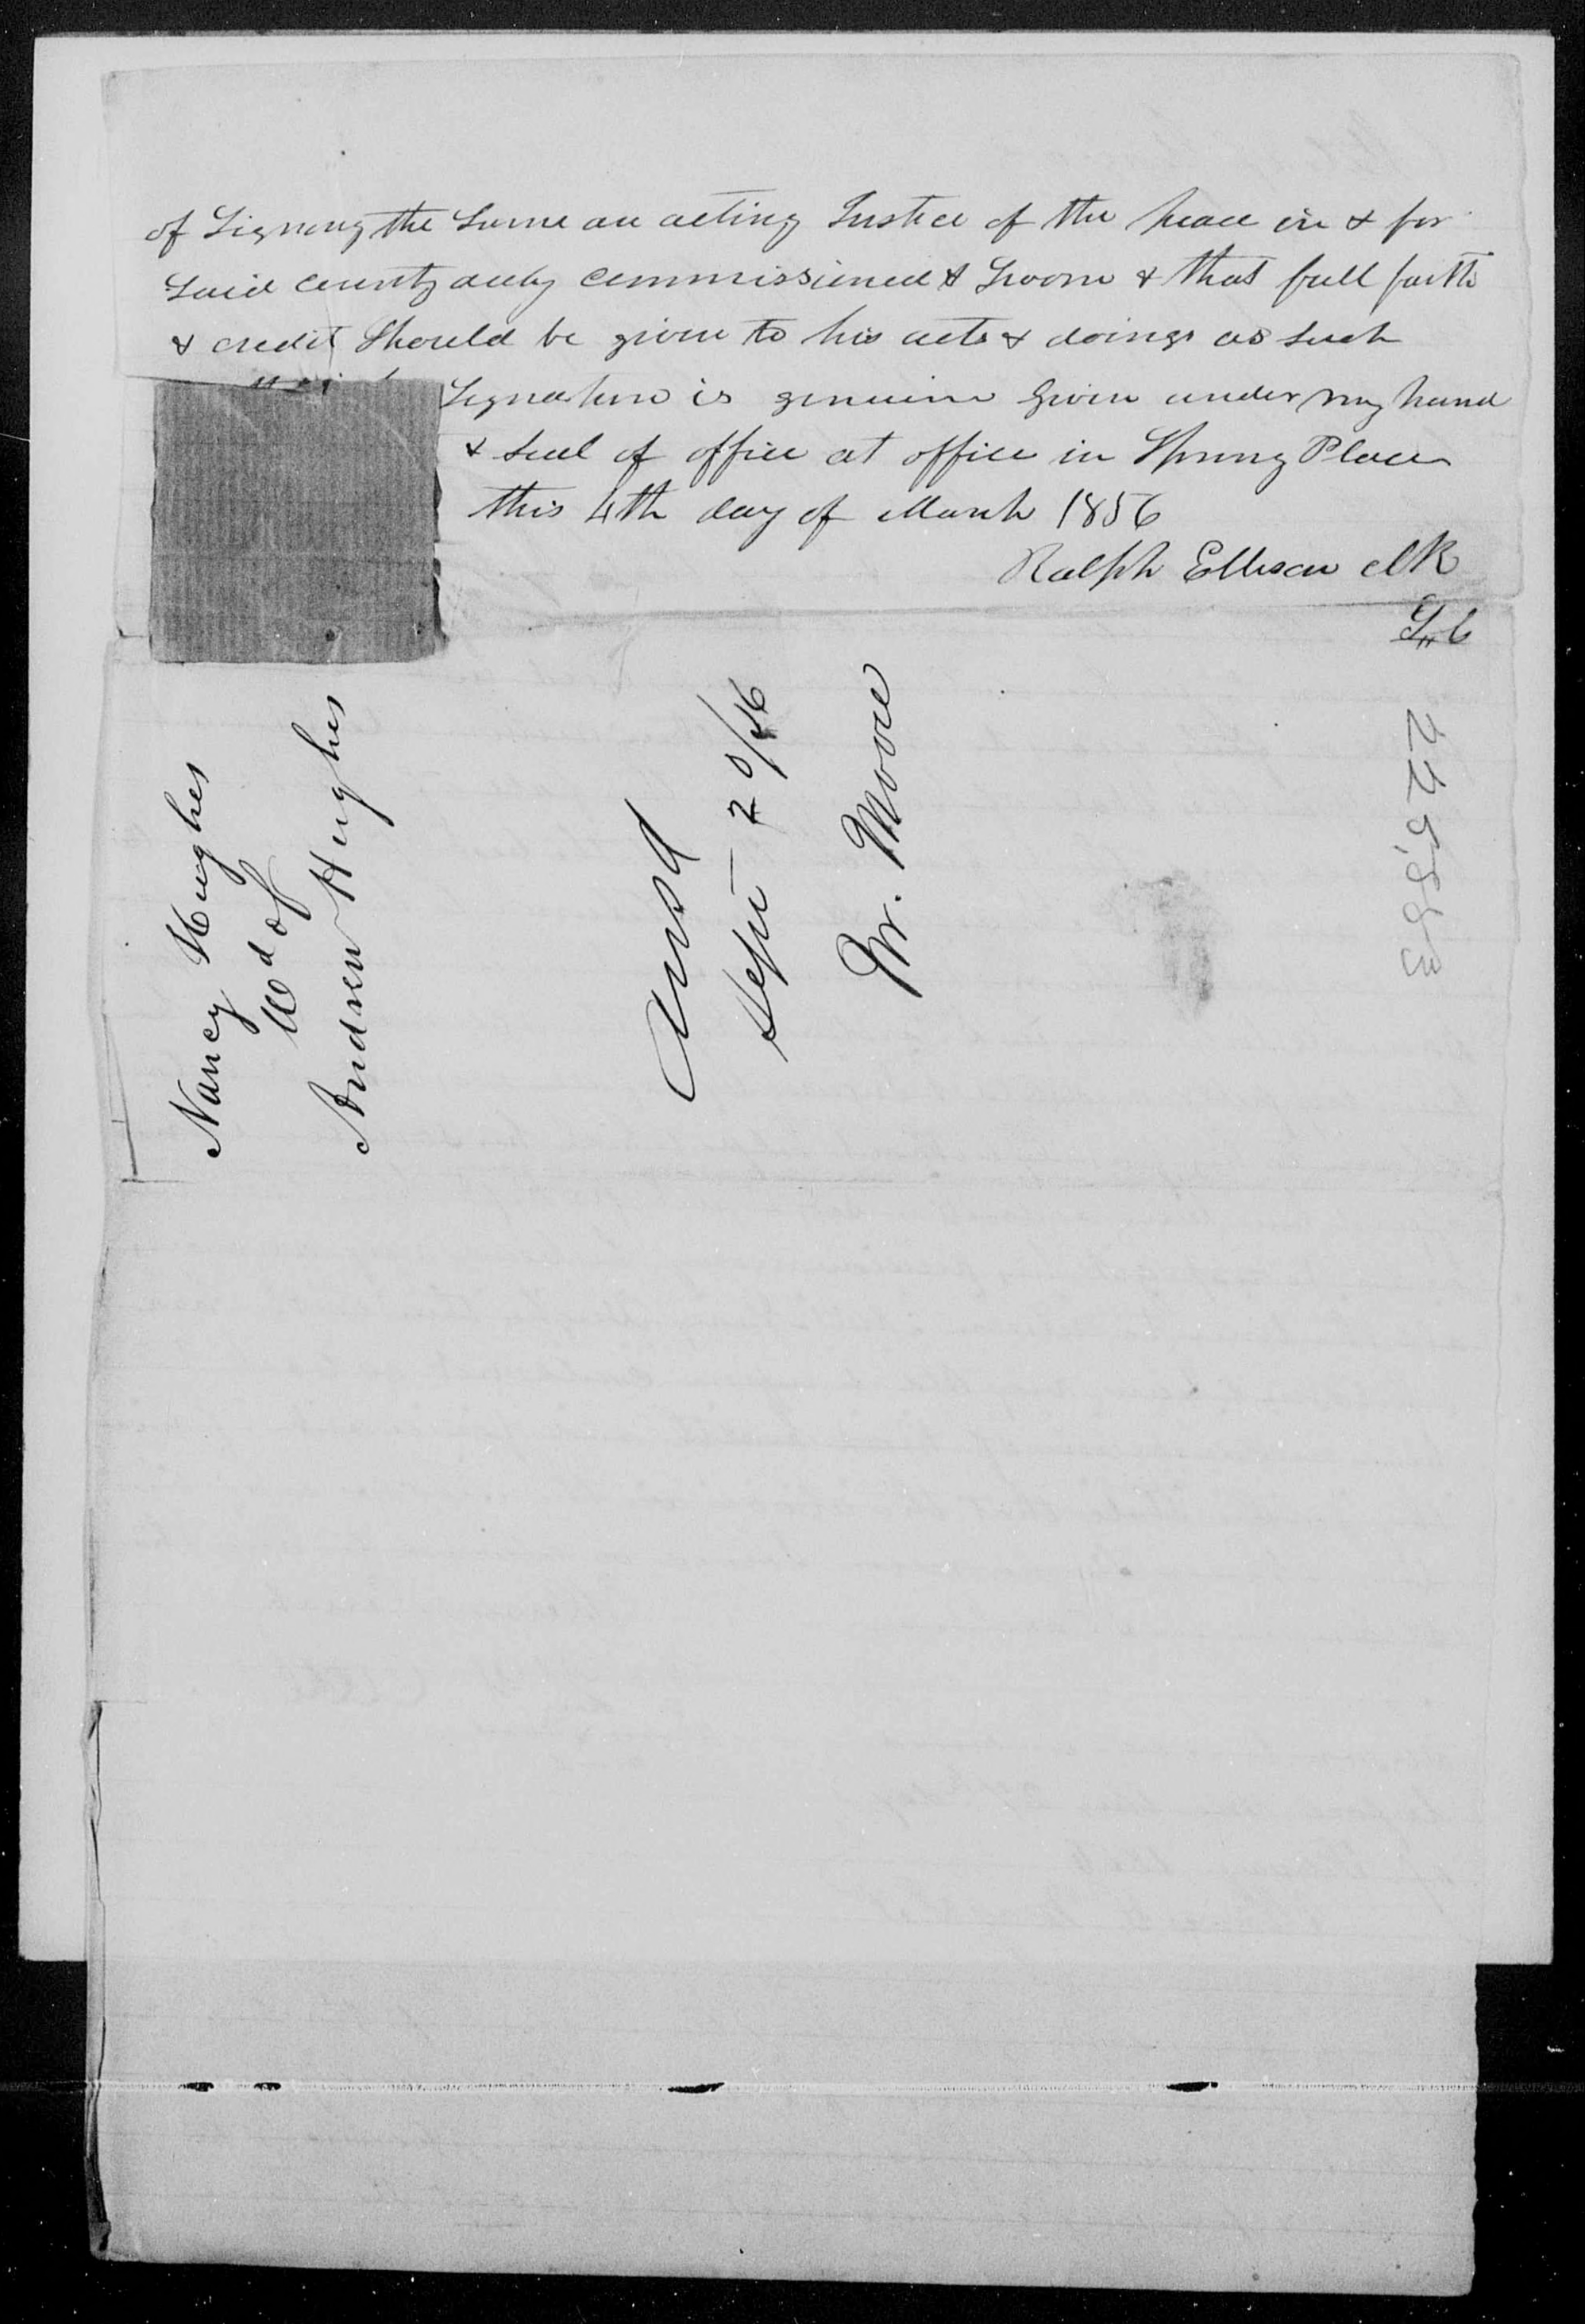of signing the same are acting Justice of the Peace in and for said county duly commissioned and known and that full faith and credit should be given to his acts and doings as such (illegible/hidden by tape) signature is genuine given under my hand and seal of office at office in (illegible) Place this 4th day of March 1856
Ralph Ellison clerk
encl

Nancy Hughes
Widow of
Andrew Hughes

(illegible) 20/16
Mr. Moore

225,883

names: Nancy Hughes, Moore, Ralph Ellison, Andrew Hughes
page: 33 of 75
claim: widow's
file: W. 25805, Andrew Hughes, N.C.